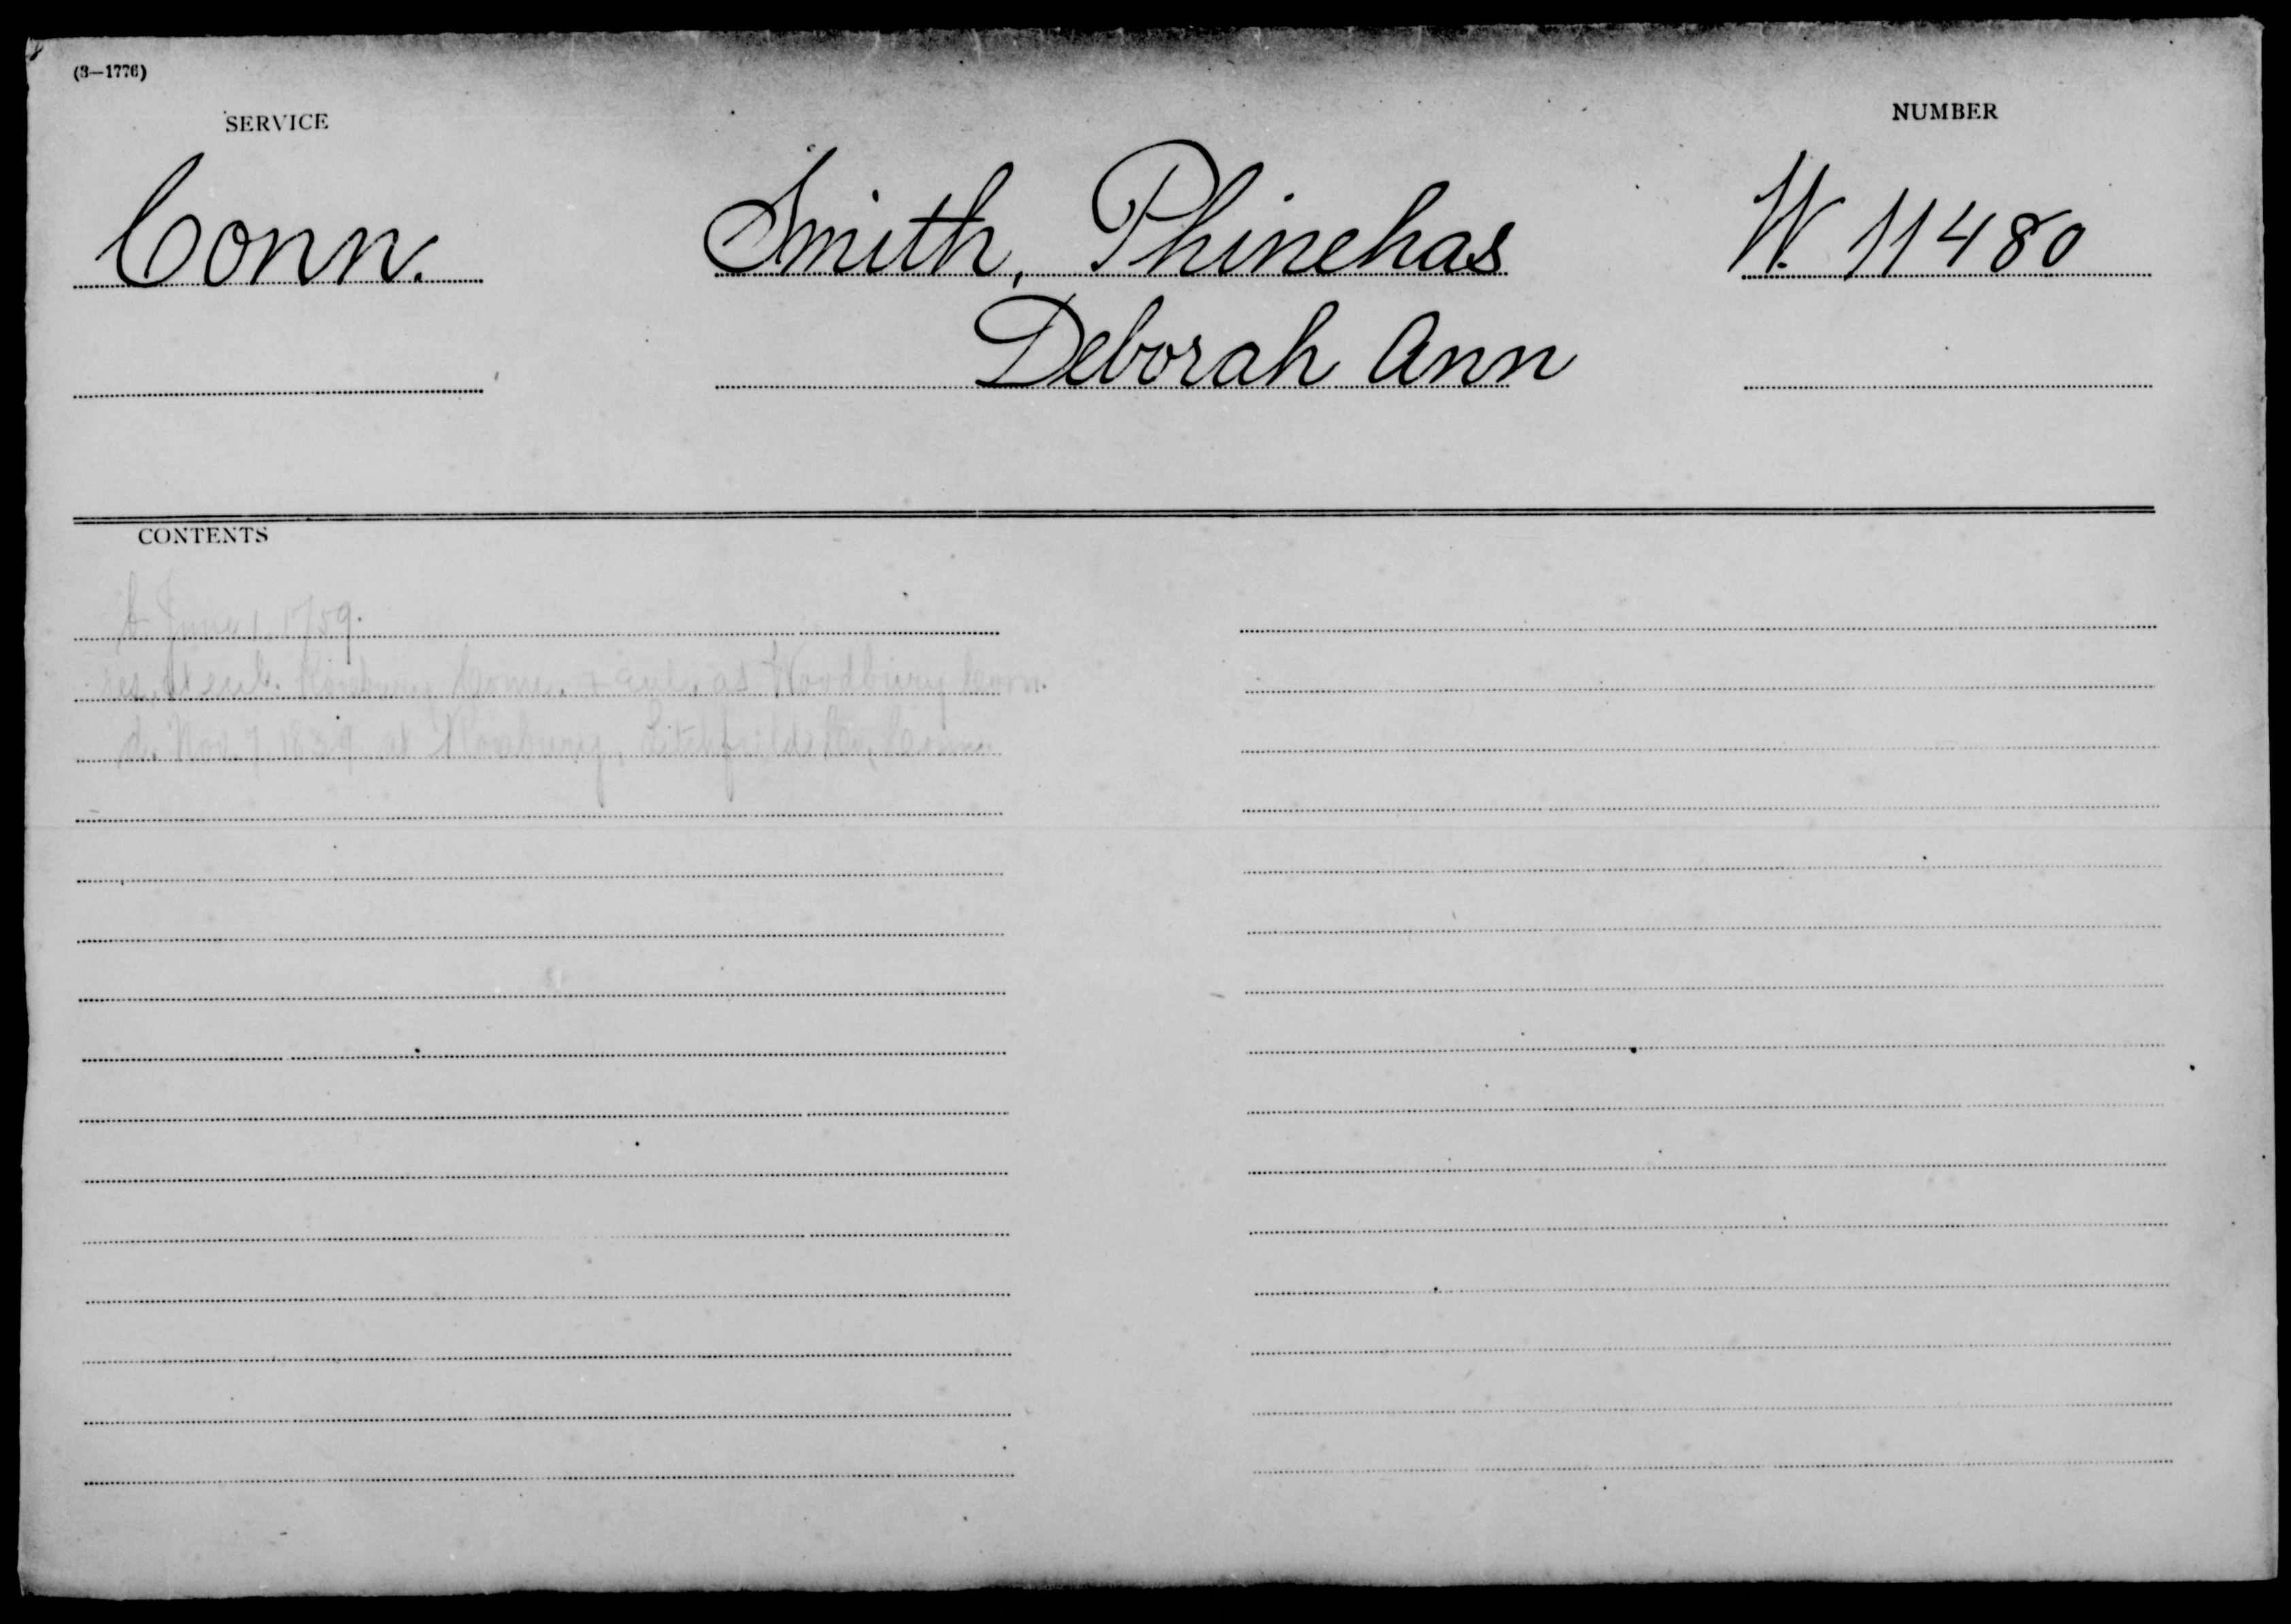SERVICE   Conn.
Smith, Phinehas
Deborah Ann
NUMBER   W. 11480
b. [born] June 1, 1759.
res. [resided] at enl [enlistment] Roxbury Conn. & enl at Woodbury Conn.
d. [died] Nov 7, 1839 at Roxbury, Litchfield Co. Conn.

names: [BLANK]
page: 1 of 55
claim: widow's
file: W. 11480, for Phinehas Smith, Connecticut